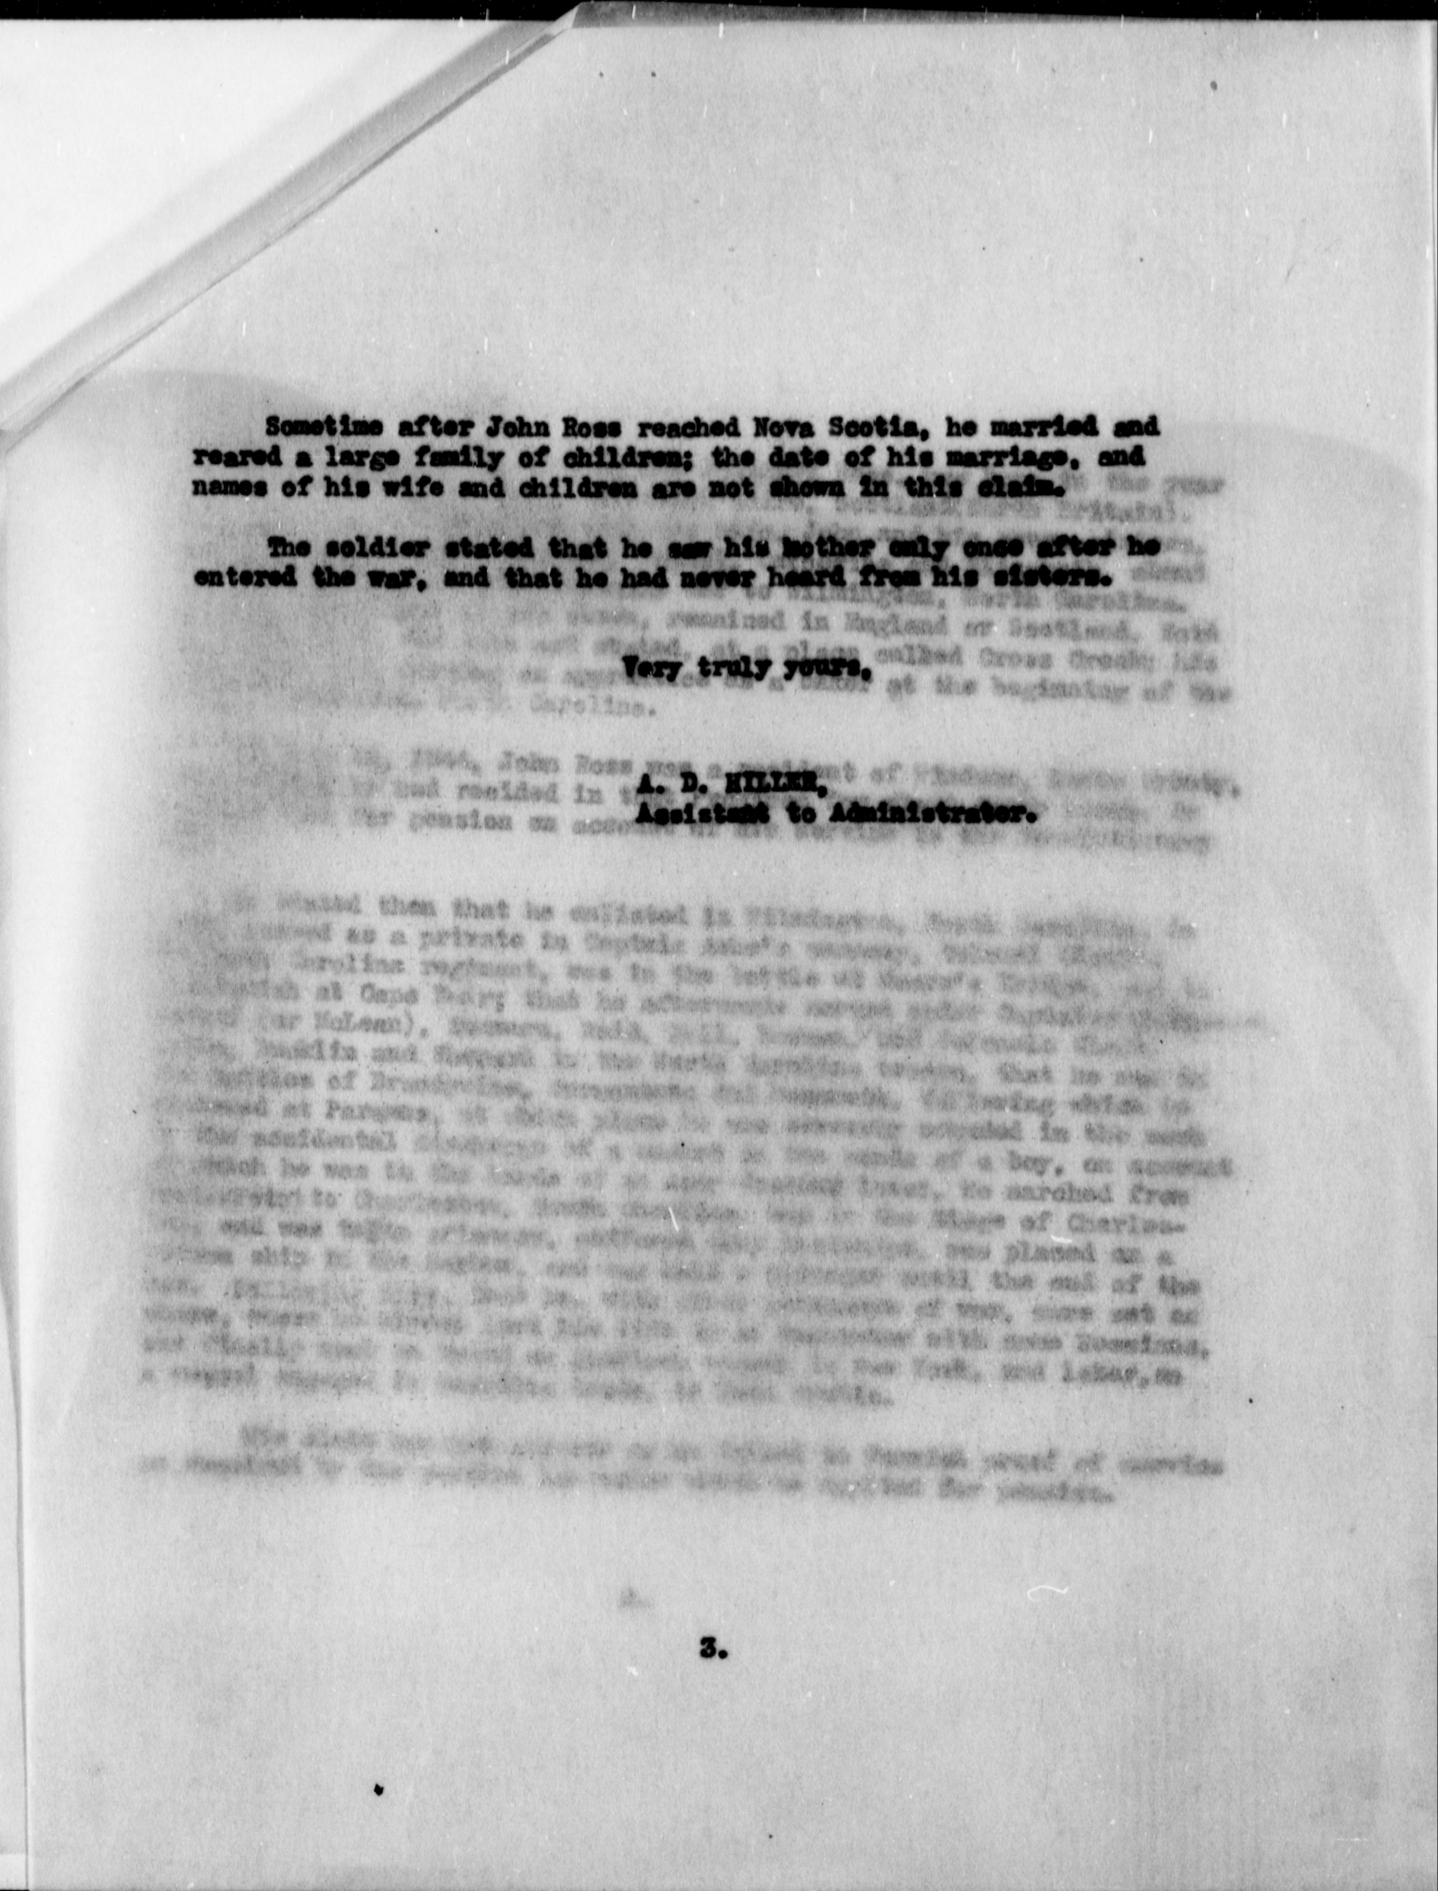Sometime after John Ross reached Nova Scotia, he married and reared a large family of children; the date of his marriage, and names of his wife and children are not shown in this claim.

The soldier stated that he saw his mother only once after he entered the war, and that he had 
never heard from his sisters.

Very truly yours,

A. D. Hiller,
Assistant to Administrator.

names: John Ross, A D Hiller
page: 35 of 35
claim: survivor's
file: S. 32089, John Abbott, Continental N. C.